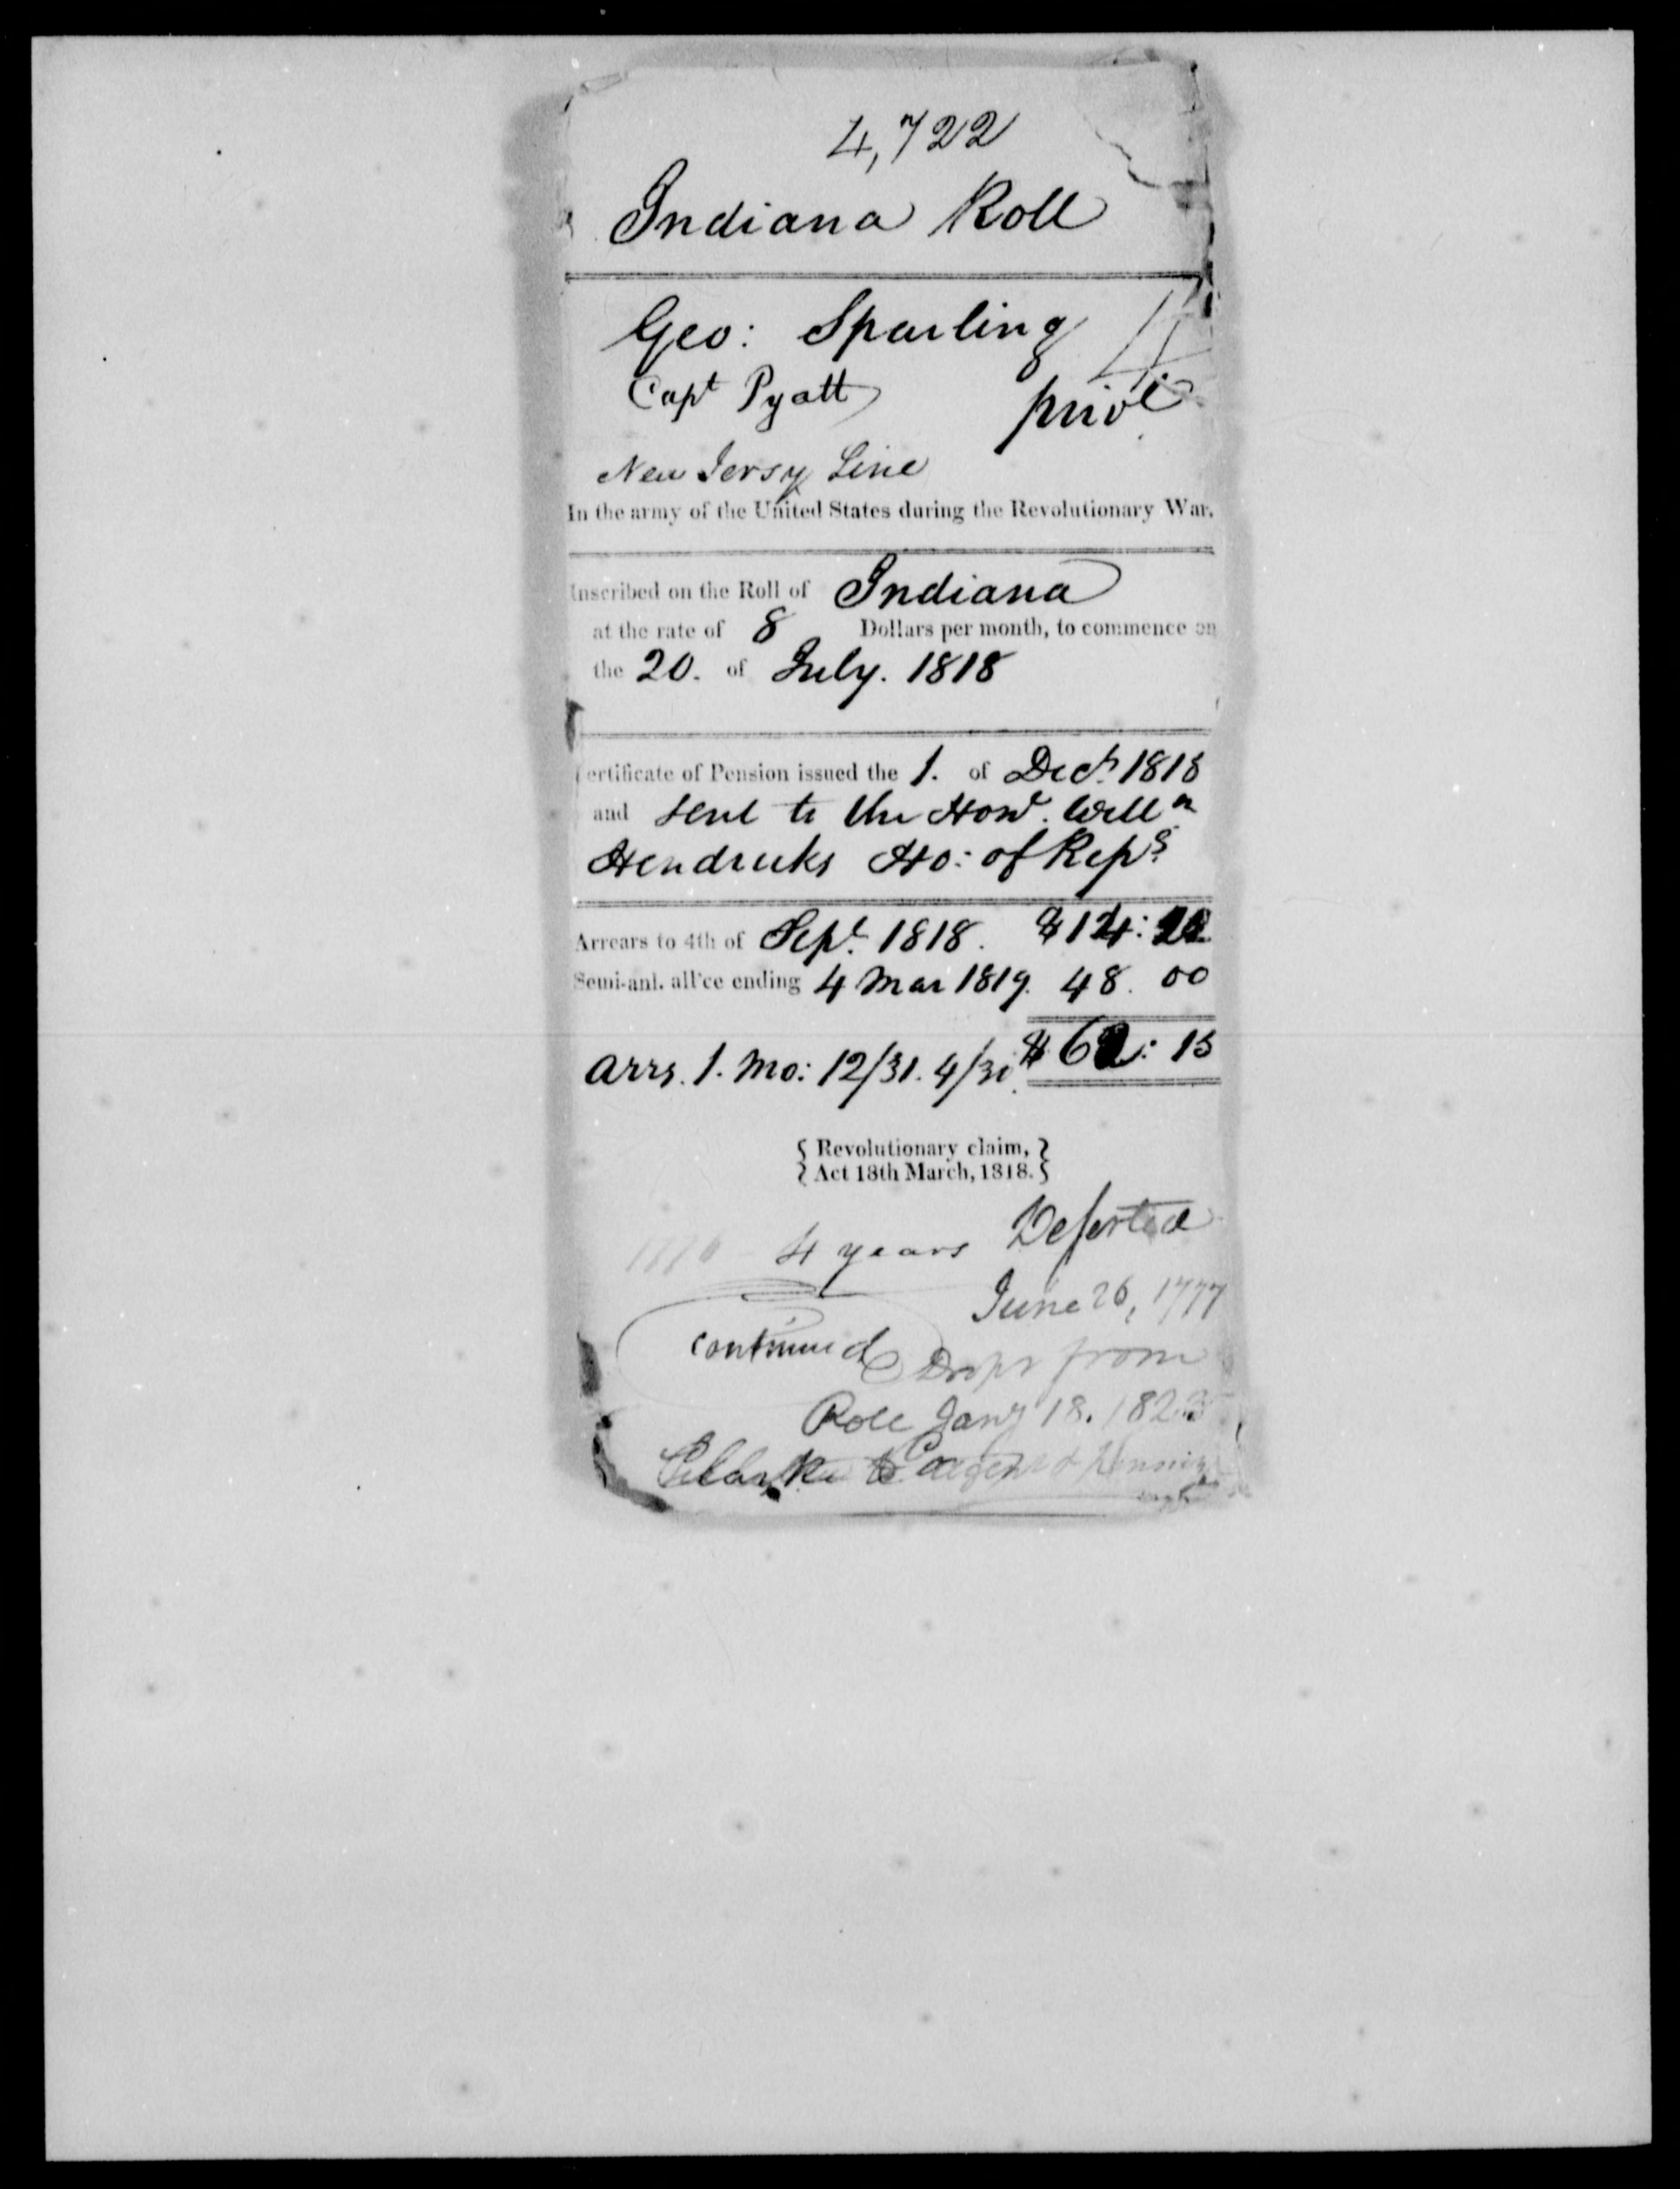4,722

Indiana Roll

Geo: Sparling
Capt Pyatt
Priv--
New Jersy (sic) Line
In the army of the United States during the Revolutionary War
Inscribed on the Roll of Indiana
at the rate of 8 Dollars per month, to commence on
the 20.of July 1818
Certificate of Pension issued the 1 of Dec 1818
and sent to the Hon. Willm Hendricks Ho: of Reps
Arrears to 4th of SEpt.1818. $14.22
Semi-anl.all'ce ending 4 Mar 1819. $48.00
arrs 1. mo: 12/31.4/20           $62.15

{Revolutionary claim, Act 18th March, 1818.}

4 years Defered (sic)
June 26, 1777
continued 
Drops from 
Roll Jany 18.1823
Clarke (illegible)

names: Geo Sparling; [BLANK] Clarke; [BLANK] Pyatt; Willm Hendrick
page: 2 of 20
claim: survivor's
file: S. 36,783, for George Sparling, New Jersey